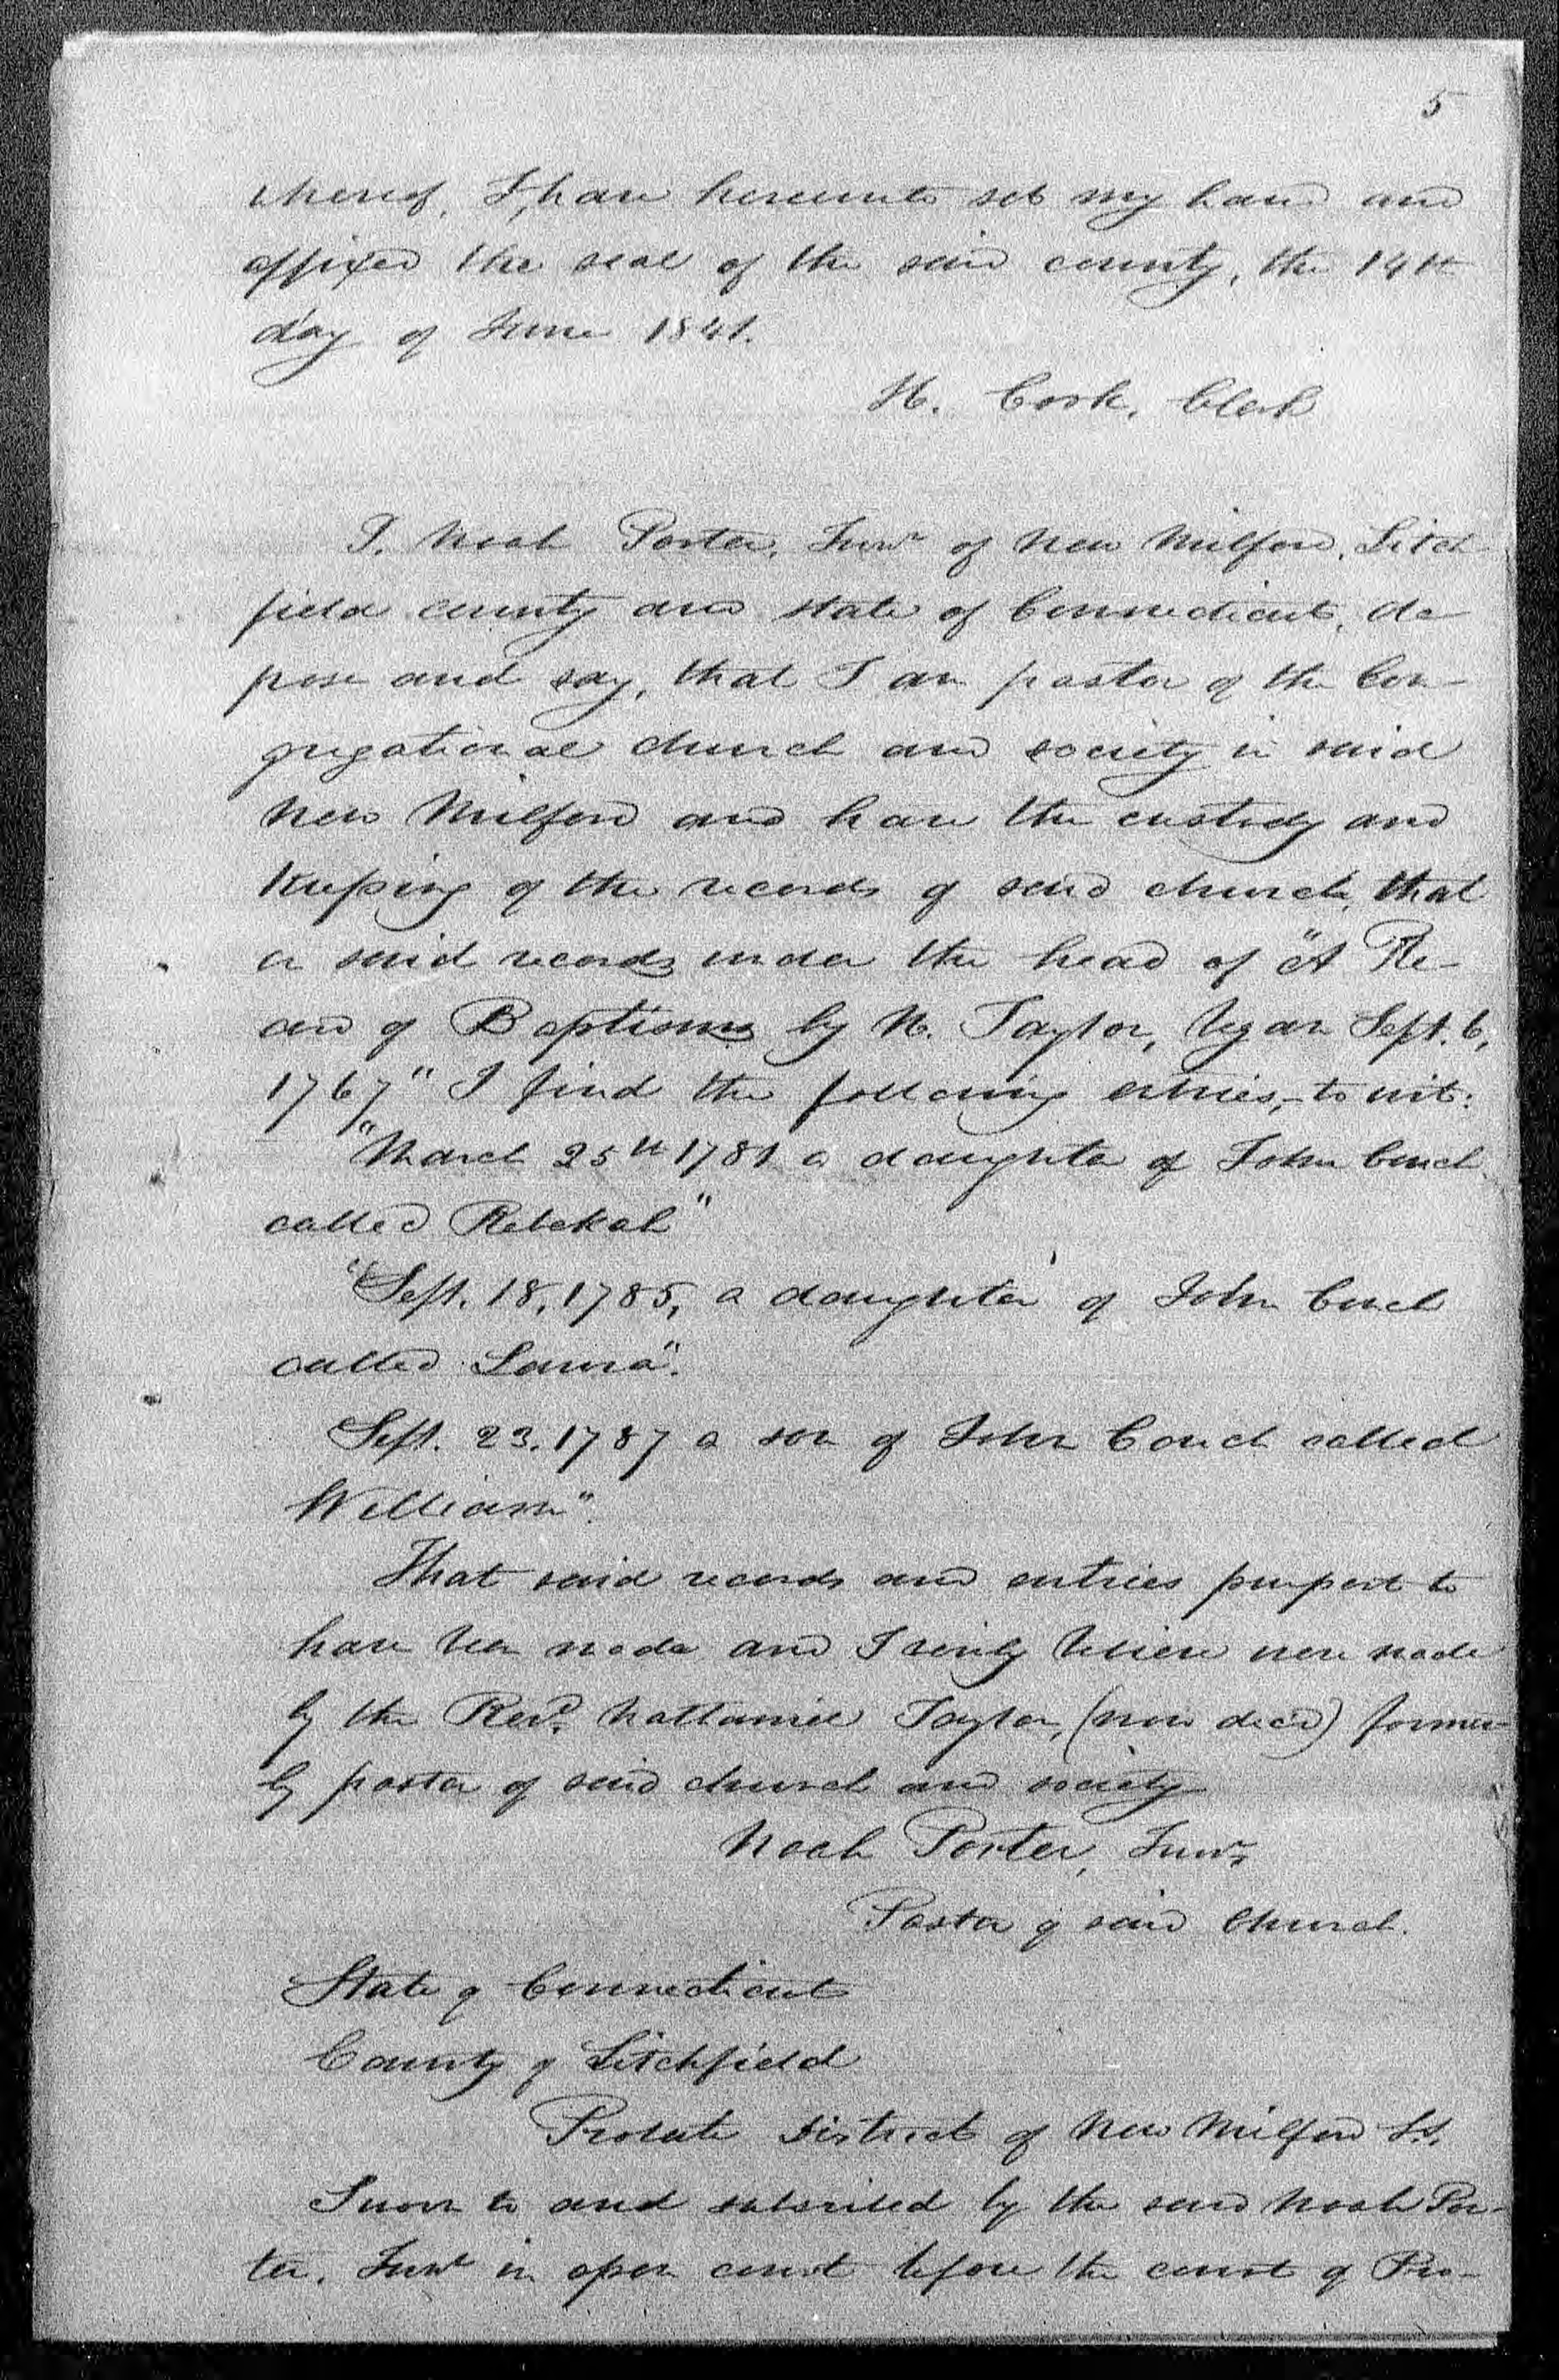whereof, I have hereunto set my hand and affixed the seal of the said county, the 14th day of June 1841.
H. Cook, Clerk

I, Noah Porter, Twnp of New Milford, Litchfield County and state of Connecticut, depose and say, that I am pastor of the Congregational church and society in said New Milford and have the custody and keeping of the records of said church, that in said records under the head of "A Record of Baptisms by N Taylor, Reg on Sept 6, 1767" I find the following entries- to wit: "March 25th 1781 a daughter f John Couch called Rebekah"
"Sept 18, 1785, a daughter of John Couch called Laura"
"Sept 23, 1787 a son of John Couch called William"
That said records and entries purport to have been made and I verily believe were made by the Revd. Nathaniel Taylor (now decd) formerly pastor of said church and society.
Noah Porter, Junr
Pastor of said church

State of Connecticut
County of Litchfield
Probate District of Nw Milford ss.
Sworn to and subscribed by the said Noah Porter Junr in open court before the court of Pro-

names: Rebekah, Noah Porter, Noah Porter, John Couch, Noah Porter, N Taylor, H Cook, Nathaniel Taylor, John Couch, John Couch, William, Louisa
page: 6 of 68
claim: rejected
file: R. 2,360, John Couch, Conn.